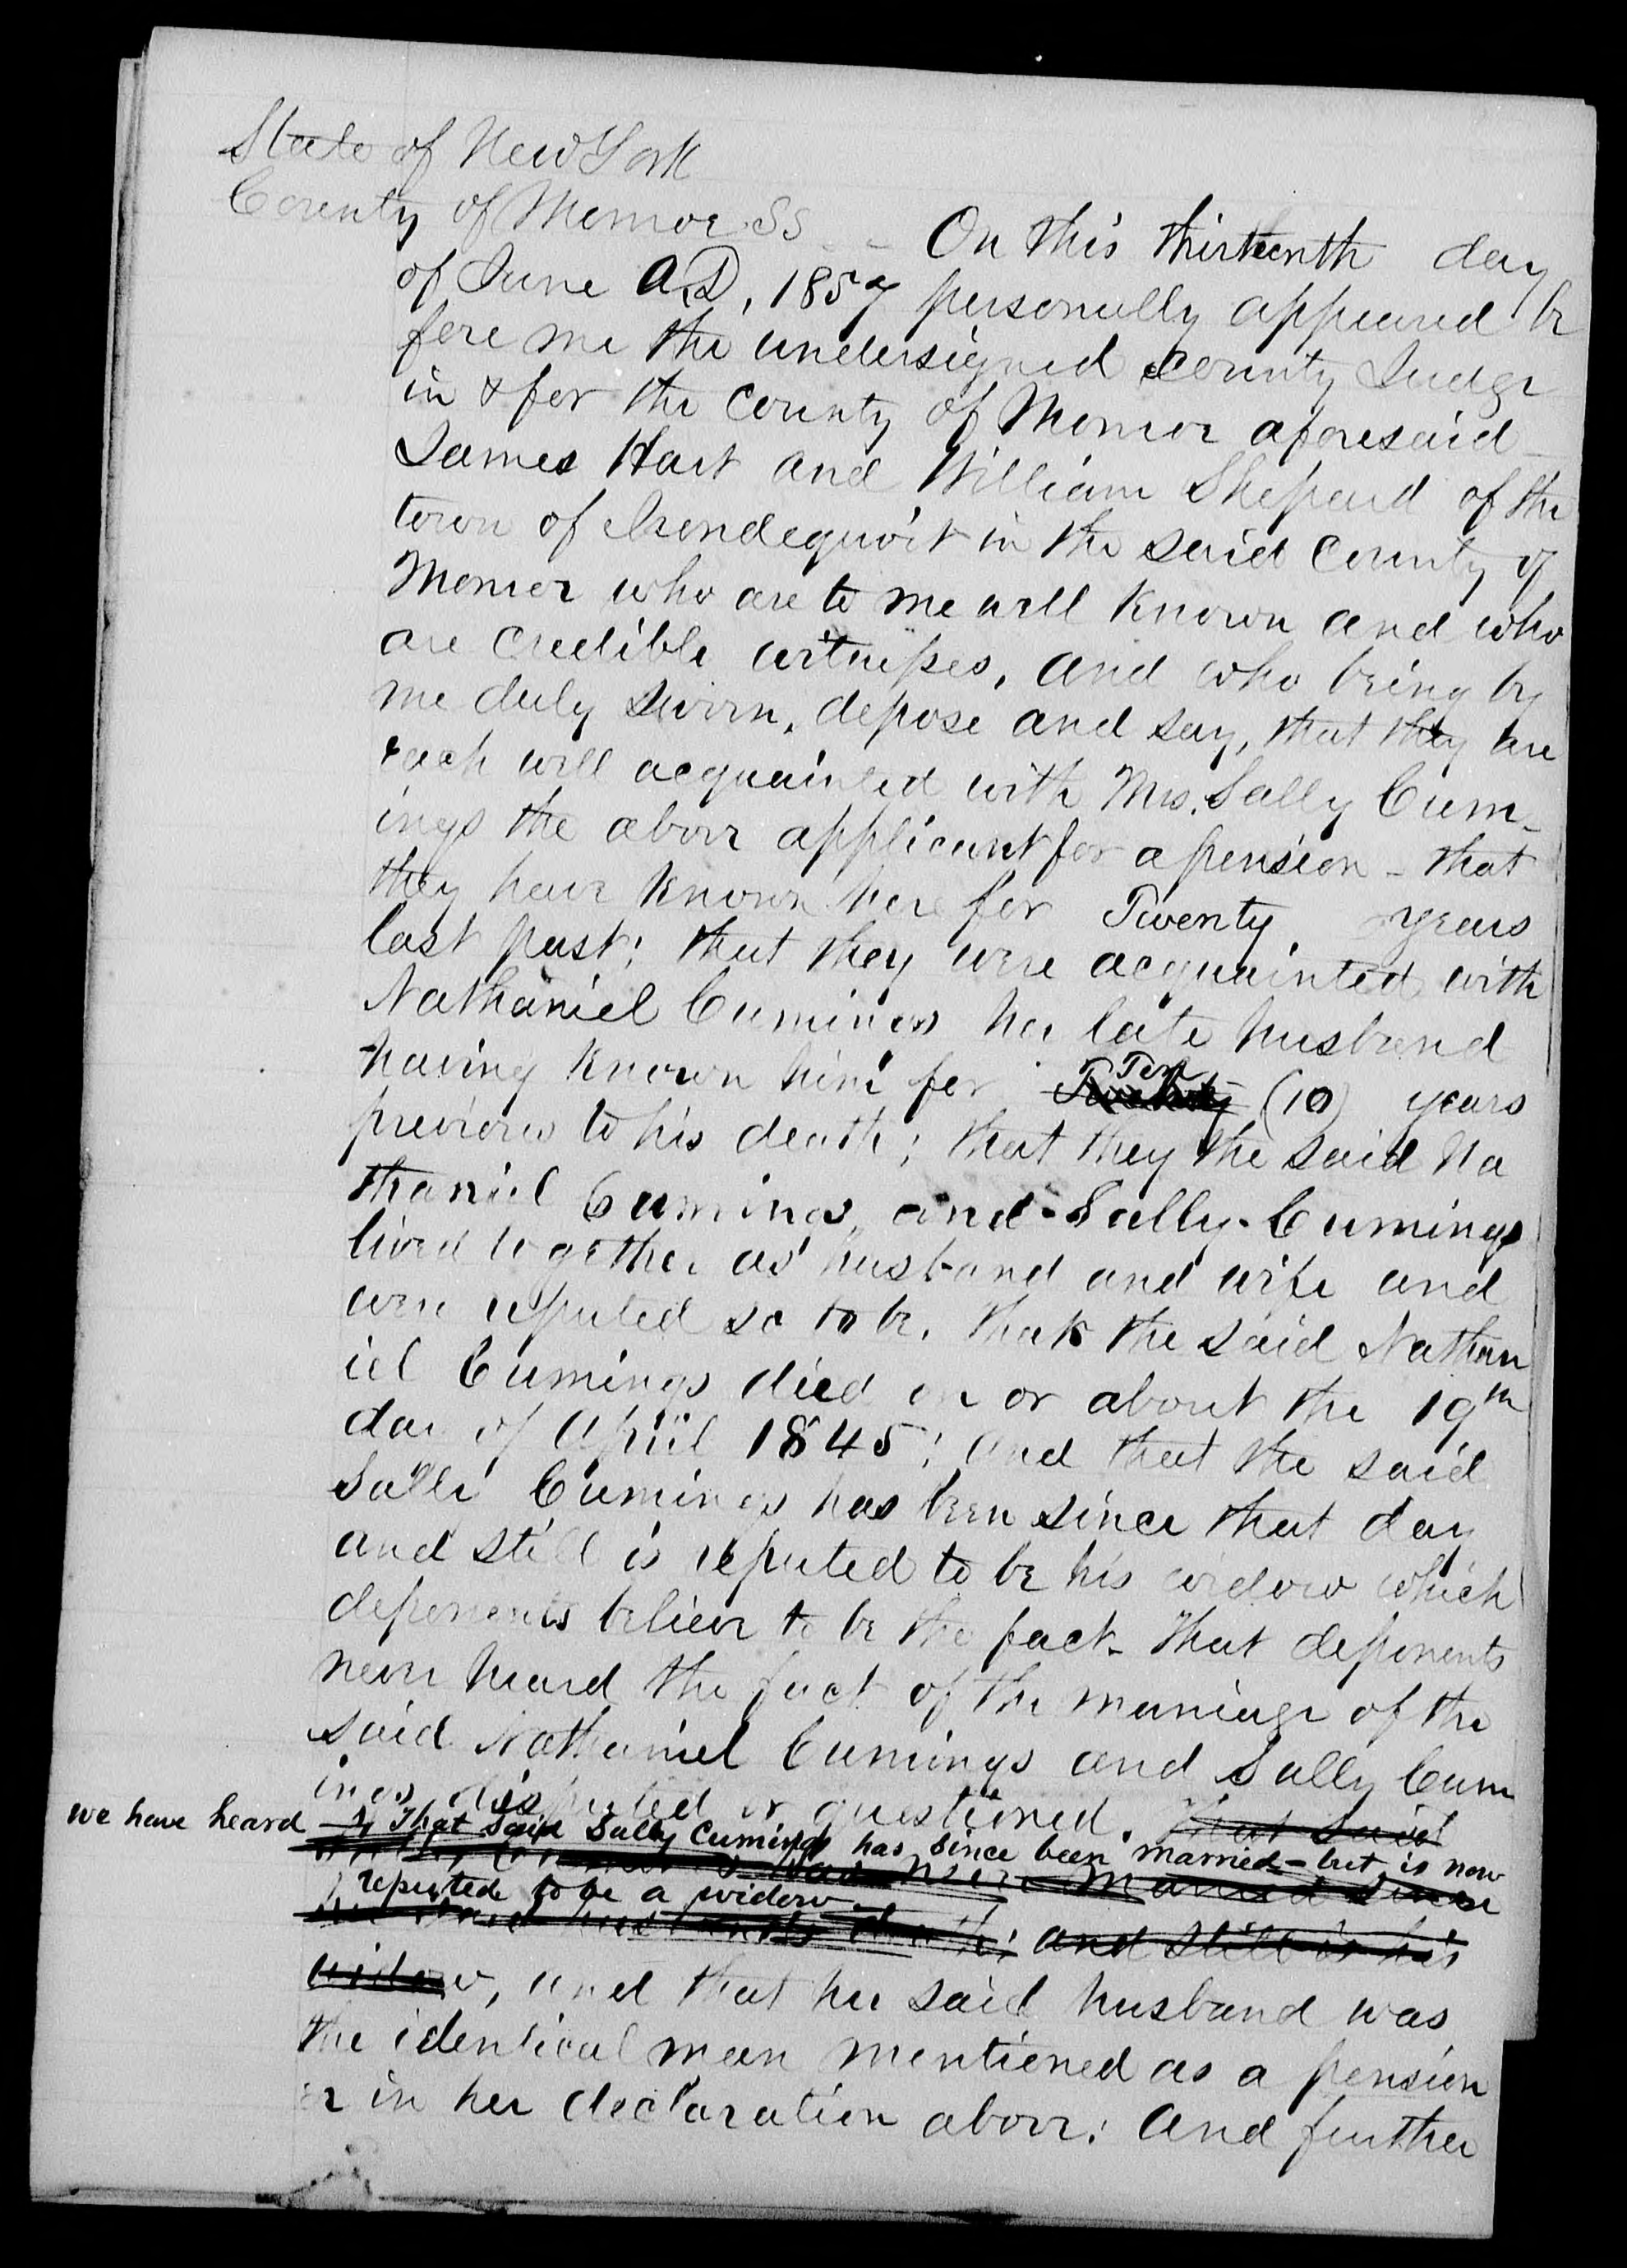we have heard
late of New York
county of Manor SS
On this thirteenth day
of June A.D. 1857 personally appeared be
fore me the undersigned County Judge
in & for the County of Monroe aforesaid
James Hart and William Shepard of the
town of Prendegist in the said County of
Manner who are to me well known and who
are credible witnesses, and who being by
me duly sworn, depose and say, that they are
such will be acquainted with Mrs. Sally Cumings
the above applicant for a pension that
they have known here for Twenty
years
last past: that they were acquainted with
Nathaniel Cumings her late husband
having known him for (10) years
previous to his death; that they the said
Nathaniel Cumings, and Sally Cumings
lived together as husband and wife and
were reputed so to be, that the said Nathan
Cumings died on or about the 19th
day of April 1845; and that the said
Salle Cumings has been since that day
and still is reputed to be his widow which
deponents believe to be the fact that deponents
never heard the fact of the marriage of the
said Nathaniel Cumings and Sally Came
mind has been
reputed to be a widow
 and that her said husband was
the identical man mentioned as a pension
in her declaration above: and further
Corn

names: Nathaniel Cumings, James Hart, William Shepard, Nathaniel Cumings, Sally Cumings, Sally Cumings, Sally Cumings, Sally Cumings, Nathaniel Cumings, Nathaniel Cumings, Sally Cumings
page: 20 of 41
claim: widow's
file: W. 9819, Nathaniel Cumings, Vt.